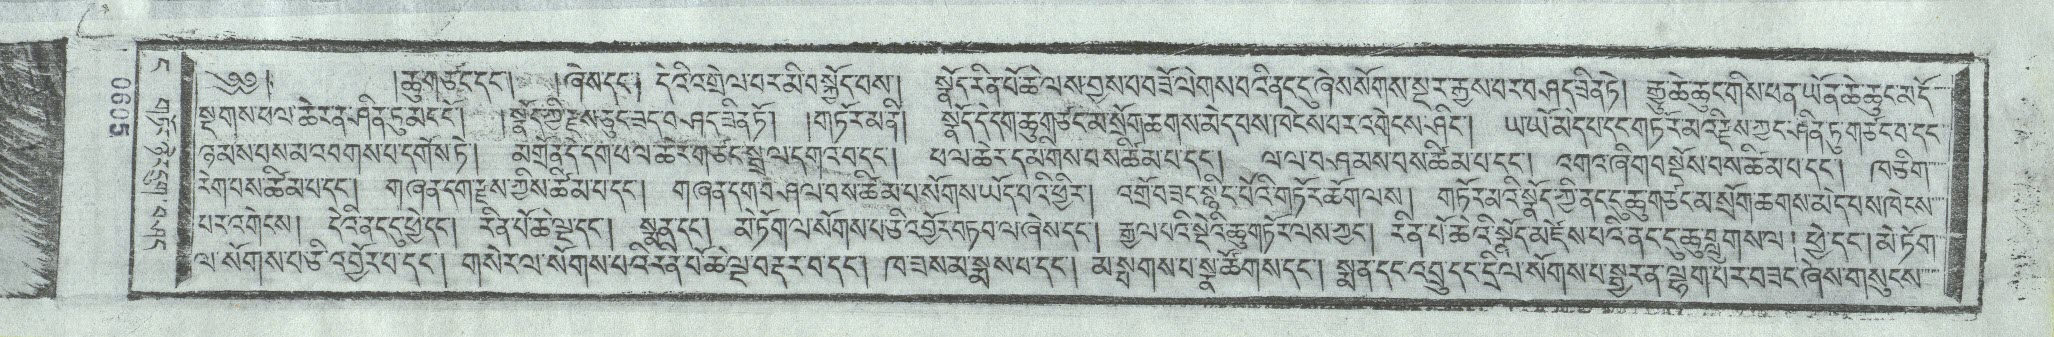༄༅། །ཆུ་གཙང་དང་། །ཞེས་དང་། དེའི་འགྲེལ་པར་མི་བསྐྱོད་པས། སྣོད་རིན་པོ་ཆེ་ལས་བྱས་པ་བཟོ་ལེགས་པའི་ནང་དུ་ཞེས་སོགས་སྔར་རྒྱས་བར་བཤད་ཟིན་ཏེ། རྒྱུ་ཆེ་ཆུང་གིས་ཕན་ཡོན་ཆེ་ཆུང་མདོ་
སྔགས་ཕལ་ཆེར་ན་ཤིན་ཏུ་མང་ངོ། །སྣོད་ཀྱི་རྗས་ཅུང་ཟད་བཤད་ཟིན་ཏོ། །གཏོར་མ་ནི། སྣོད་དེ་དག་ཆུ་གཙང་མ་སྲོག་ཆགས་མེད་པས་ཁེངས་པར་འགེངས་ཤིང་། ཡ་ཡོ་མེད་པ་དང་གཏོར་མའི་རྫིས་ཀྱང་ཤིན་ཏུ་གཙང་བ་དང་
ཉམས་པས་མ་འབགས་པ་དགོས་ཏེ། མགྲོན་དེ་དག་ཕལ་ཆེར་གཙང་སྦྲལ་དགའ་བ་དང་། ཕལ་ཆེར་དམིགས་པས་ཚིམ་པ་དང་། ལ་ལ་བཤམས་པས་ཚིམ་པ་དང་། འགའ་ཞིག་བསྔོས་པས་ཚིམ་པ་དང་། ཁ་ཅིག་
རེག་པས་ཚིམ་པ་དང་། གཞན་དག་རྫས་ཀྱིས་ཚིམ་པ་དང་། གཞན་དག་བཤལ་བས་ཚིམ་པ་སོགས་ཡོད་པའི་ཕྱིར། འགྲོ་བཟང་སྙིང་པོའི་གཏོར་ཆོག་ལས། གཏོར་མའི་སྣོད་ཀྱི་ནང་དུ་ཆུ་གཙང་མ་སྲོག་ཆགས་མེད་པས་ཁེངས་
པར་འགེངས། དེའི་ནང་དུ་ཕྱེ་དང་། རིན་པོ་ཆེ་ལྔ་དང་། སྨན་དང་། མེ་ཏོག་ལ་སོགས་པ་ཅི་འབྱོར་བཏབ་ལ་ཞེས་དང་། རྒྱལ་པའི་སྡེའི་ཆུ་གཏོར་ལས་ཀྱང་། རིན་པོ་ཆེའི་སྣོད་མཛེས་པའི་ནང་དུ་ཆུ་བླུགས་ལ། ཕྱེ་དང་། མེ་ཏོག་
ལ་སོགས་པ་ཅི་འབྱོར་པ་དང་། གསེར་ལ་སོགས་པའི་རིན་པོ་ཆེ་ལྔ་བརྡར་བ་དང་། ཁ་ཟས་མ་སྨས་བ་དང་། མ་སྤགས་པ་སྣ་ཚོགས་དང་། སྨན་དང་འབྲུ་དང་དྲིལ་སོགས་པ་སྦྱར་ན་ལྷག་པར་བཟང་ཞེས་གསུངས་